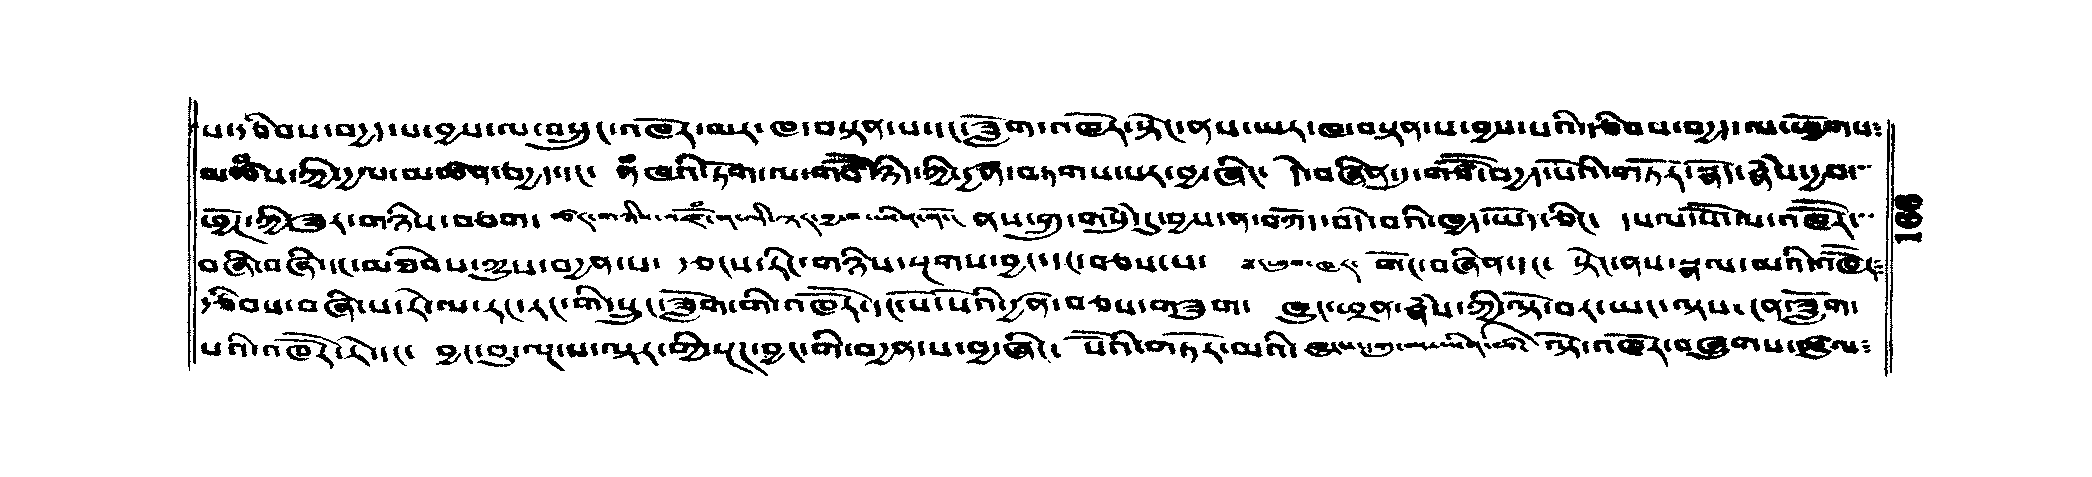པ་རྩིབས་བརྒྱད་པ་བྱས་ལ་བསྲུང་འཁོར་ཁ་བསྟན་པ་དང་ཟློག་འཁོར་སྟེང་ནས་ཡར་ཁ་བསྟན་པ་བྱས་པའི་རྩིབས་བརྒྱད་ལ་ཕྱོགས་
མཚམས་ཀྱི་རྒྱལ་མཚན་ཚར་གཉིས་འཛོམ་ན་འདི་ལྟར་བྱ་བ་ཡིན་ནོ། བརྒྱད་དང་། ནམ་མཁའི་ཏོག་ལ་གཙོ་བོ་ཉིད་ཀྱི་རྒྱལ་མཚན་བཏགས་པར་བྱ་ཞིང་། དེ་བཞིན་དུ་གཙོ་བོ་བརྒྱད་པའི་གཏོར་སྣོད་རྣམས་རྒྱབ་
ཕྱོགས་ཀྱི་ཟུར་གཉིས་བཅག་ནས་གྲུ་གསུམ་དུ་བྱས་ན་སྦ་ཕུབ་ཁར་བཀོད་བདེ་བའི་ཁྱད་ཡོད་ཅིང་། དཔལ་སོ་སོ་ལ་འཁོར་
བཞི་བཞི་དང་མཐིམས་ཀྱུས་བརྒྱན་པ། རྩངས་རིང་གཉིས་སྔགས་བྱང་དང་བཅས་པ། གོང་བཞིན་དང་། སྟེང་ནས་སྣལ་མའི་འཁོར་ལོ་
རྩིབས་བཞི་པ་རེ་ལ་རང་རང་གི་སྲུང་ཟློག་གི་འཁོར་ལོ་དང་སོ་སོའི་རྒྱལ་མཚན་བཅས་གཟུག་ཁྱུང་ཕྲན་ཁྱུངས་དགུ་མ་ཡིན་ཚེ་རྣམས་ཀྱི་ལྟེ་བར་ཡང་ལྟས་ངན་ཟློག་
པའི་འཁོར་ལོ་རེ་དང་། བྱང་བུ་ལྔ་པ་ལྟར་གྱི་སྔགས་བྱང་གི་བརྒྱན་པ་བྱ་ཞིང་། སོ་སོའི་གཏོར་མའི་ལྟེ་འཁོར་བཞུགས་ཚུལ་